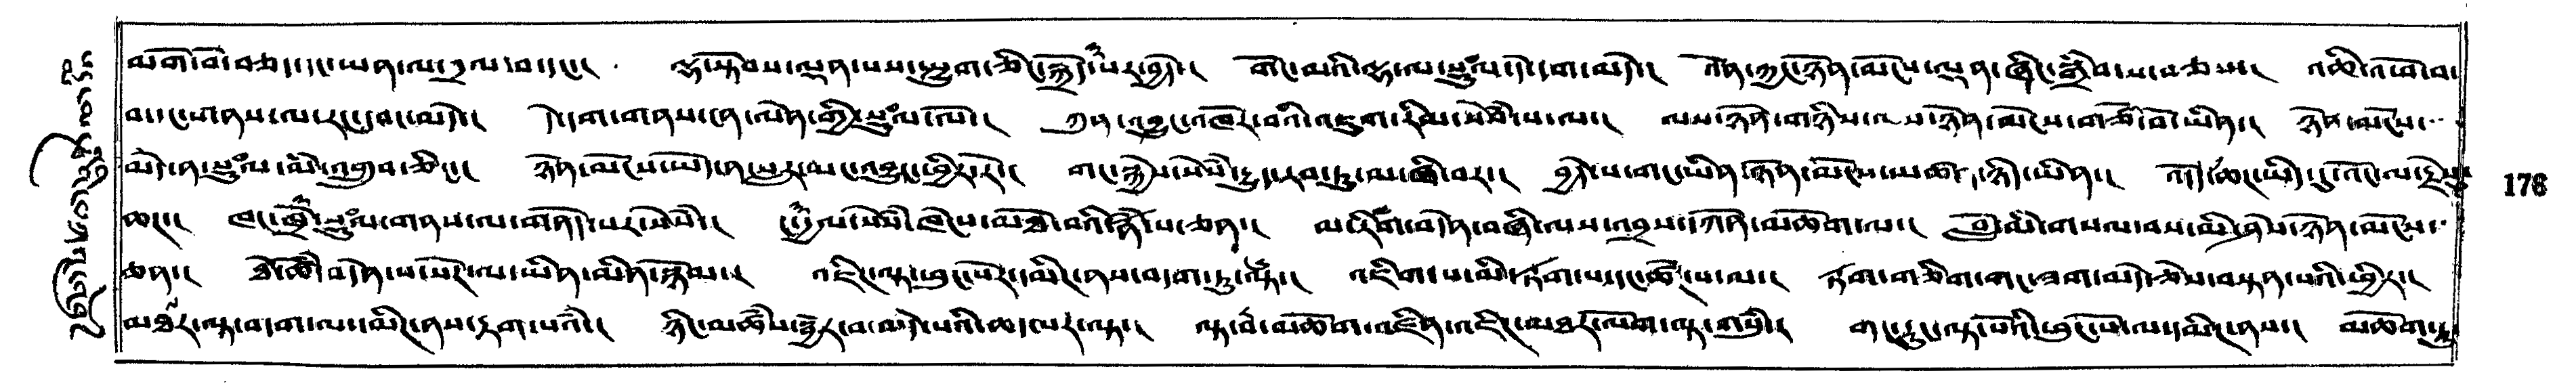།མགོ་བོ་བཅད་དང་ཡན་ལག་དྲལ་བ་དང་། །ལྷ་སྟོབས་ལྡན་པས་སྤྱུག་ཅིང་སྐྲོད་པར་བྱེད། །གོང་མའི་ལྷ་ལ་སྡུག་བསྔལ་དེ་དག་མེད། །འོན་ཀྱང་ཉོན་མོངས་ལྡན་ཞིང་སྒྲིབ་པ་བཅས། །འཆི་འཕོ་བ་
བ་དང་གནས་ལ་རང་དབང་མེད། །དེ་དག་གནས་ངན་ལེན་གྱི་སྡུག་བསྔལ་ལོ། །ཀུན་འབྱུང་འཁོར་བའི་འཇུག་རིམ་སེམས་པ་ལ། །ལས་ཉོན་གཉིས་ལས་ཉོན་མོངས་གཙོ་བོ་ཡིན། །ཉོན་མོངས་
མེད་ན་སྡུག་བསྔལ་མི་འགྲུབ་ཅིང་། །ཉོན་མོངས་ཡོད་ན་སླར་ཡང་འབྱུང་ཕྱིར་རོ། །གང་སྐྱེས་སེམས་རྒྱུད་རབ་ཏུ་མ་ཞི་བར། །བྱེད་པ་གང་ཡིན་ཉོན་མོངས་མཚན་ཉིད་ཡིན། །འདོད་ཆགས་ཡིད་དུ་འོང་ལ་རྗེས་སུ་
ཆགས། །ཁོང་ཁྲོ་སྡུག་བསྔལ་གནས་ལ་གནོད་པར་སེམས། །ང་རྒྱལ་སེམས་ཁེངས་མཐོ་བའི་རྣམ་པ་ཅན། །མ་རིག་བདེན་བཞི་ལས་འབྲས་དཀོན་མཆོག་ལ། །བློ་མི་གསལ་བས་མི་ཤེས་ཉོན་མོངས་
ཅན། །ཐེ་ཚོམ་བདེན་པ་སོགས་ལ་ཡིན་མིན་སྙམ། །འཇིག་ལྟ་ཕུང་པོར་དམིགས་ནས་བདག་ཏུ་ལྟ། །འཇིག་པ་མི་རྟག་པ་དང་ཚོགས་པ་ལ། །རྟག་གཅིག་གང་ཟག་མེད་ཅེས་བསྟན་པའི་ཕྱིར། །
མཐར་ལྟ་བདག་ལ་དམིགས་ནས་རྟག་པའམ། །ཉིང་མཚམས་སྦྱོར་བ་མེད་པའི་ཆད་པར་ལྟ། །ལྟ་བ་མཆོག་འཛིན་འཇིག་མཐར་ལོག་ལྟ་གསུམ། །གང་རུང་ལྟ་པོའི་ཕུང་པོ་ལ་དམིགས་ནས། །མཆོག་ཏུ་